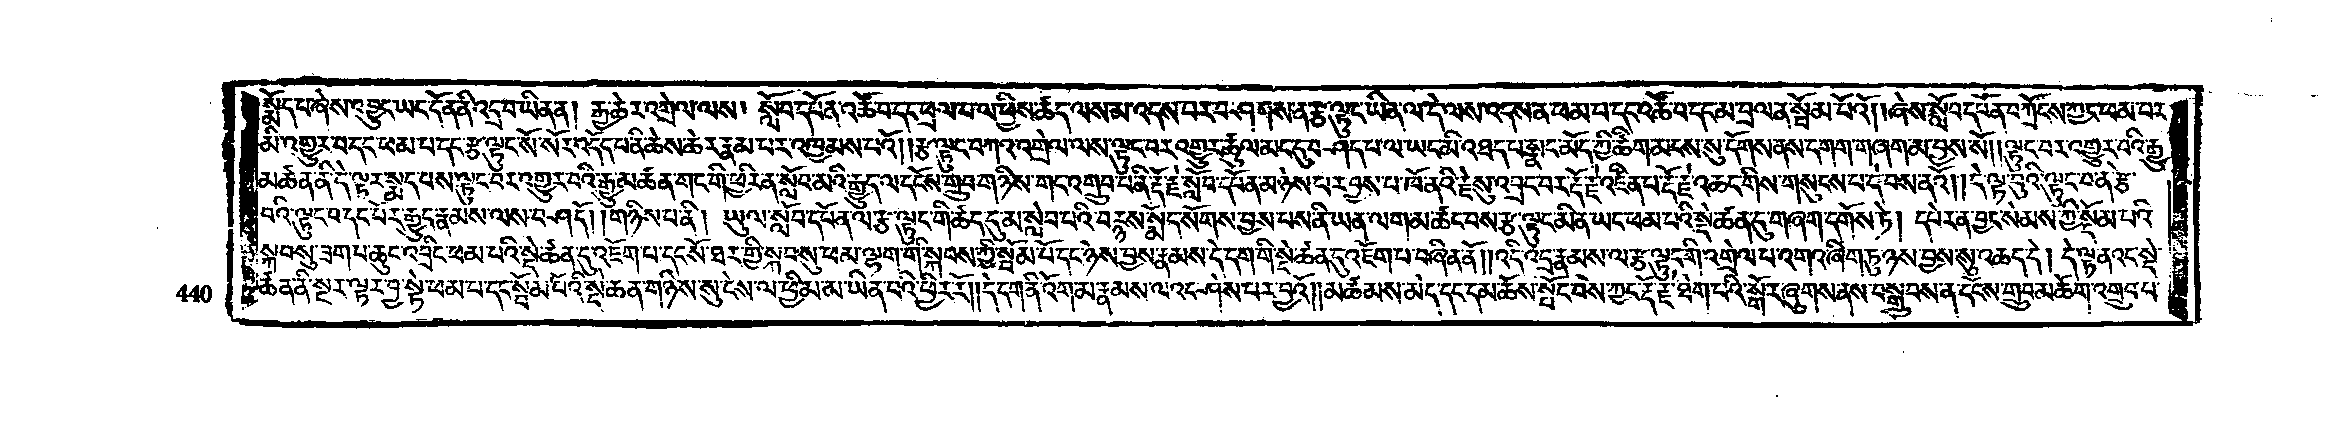སྨོད་པ་ཞེས་འབྱུང་ཡང་དོན་ནི་འདྲ་བ་ཡིན་ན། རྒྱ་ཆེར་འགྲེལ་ལས། སློབ་དཔོན་འཚོ་བ་དང་ཕྲལ་བ་ལ་ཕྱིས་ཚད་ལས་མ་འདས་པར་བཤགས་ན་རྩ་ལྟུང་ཡིན་ལ་དེ་ལས་འདས་ན་ཕམ་པ་དང་འཚོ་བ་དང་མ་བྲལ་ན་སྦོམ་པོའོ། །ཞེས་སློབ་སྤོན་བཀྲོངས་ཀྱང་ཕམ་པར་
མི་འགྱུར་བ་དང་ཕམ་པ་དང་རྩ་ལྟུང་སོ་སོར་འདོད་པ་ནི་ཆེས་ཆེར་རྣམ་པར་འཁྱམས་པའོ། །རྩ་ལྟུང་བཀའ་འགྲེལ་ལས་ལྟུང་བར་འགྱུར་ཚུལ་མང་དུ་བཤད་པ་ལ་ཡང་མི་འཐད་པ་སྣང་མོད་ཀྱི་ཚིག་མངས་སུ་དོགས་ནས་དགག་གཞག་མ་བྱས་སོ། །ལྟུང་བར་འགྱུར་བའི་རྒྱུ་
མཚན་ནི་དེ་ལྟར་སྨད་པས་ལྟུང་བར་འགྱུར་བའི་རྒྱུ་མཚན་གང་གི་ཕྱིར་ན་སློབ་མའི་རྒྱུད་ལ་དངོས་གྲུབ་གཉིས་གང་འགྲུབ་པ་ནི་རྡོ་རྗེ་སློབ་དཔོན་མཉེས་པར་བྱས་པ་ཁོ་ནའི་རྗེས་སུ་འབྲང་བར་རྡོ་རྗེ་འཛིན་པ་རྡོ་རྗེ་འཆང་གིས་གསུངས་པ་དེ་བས་ནའོ། །དེ་ལྟ་བུའི་ལྟུང་བ་ན་རྩེ་
བའི་ལྟུང་བ་དང་པོར་རྒྱུད་རྣམས་ལས་བཤད་དོ། །གཉིས་པ་ནི། ཡུལ་སློབ་དཔོན་ལ་རྩ་ལྟུང་གི་ཚད་དུ་མ་སླེབ་པའི་བརྙས་སྨོད་སོགས་བྱས་པས་ནི་ཡན་ལག་མ་ཚང་བས་རྩ་ལྟུང་མིན་ཡང་ཕམ་པའི་སྡེ་ཚན་དུ་གཞག་དགོས་ཏེ། དཔེར་ན་བྱང་སེམས་ཀྱི་སྡོམ་པའི་
སྐབས་སུ་ཟག་པ་ཆུང་འབྲིང་ཕམ་པའི་སྡེ་ཚན་དུ་འཇོག་པ་དང་སོ་ཐར་གྱི་སྐབས་སུ་ཕམ་ལྷག་གི་སྐབས་ཀྱི་སྦོམ་པོ་དང་ཉེས་བྱས་རྣམས་དེ་དག་གི་སྡེ་ཚན་དུ་འཇོག་པ་བཞིན་ནོ། །འདི་འདྲ་རྣམས་ལ་རྩ་ལྟུང་གི་འགྲེལ་པ་འགའ་ཞིག་ཏུ་ཉས་བྱས་སུ་འཆད་དེ། དེ་ལྟ་ནའང་སྡེ་
ཚན་ནི་སྔར་ལྟར་བྱ་སྟེ་ཕམ་པ་དང་སྦོམ་པོའི་སྡེ་ཚན་གཉིས་སུ་ངེས་ལ་ཕྱི་མ་མ་ཡིན་པའི་ཕྱིར་རོ། །དེ་དག་ནི་འོག་མ་རྣམས་ལའང་ཤེས་པར་བྱའོ། །མཚམས་མེད་དང་དམ་ཆོས་སྤོང་བས་ཀྱང་རྡོ་རྗེ་ཐེག་པའི་སྒོར་ཞུགས་ནས་བསྒྲུབས་ན་དངོས་གྲུབ་མཆོག་འགྲུབ་པ་